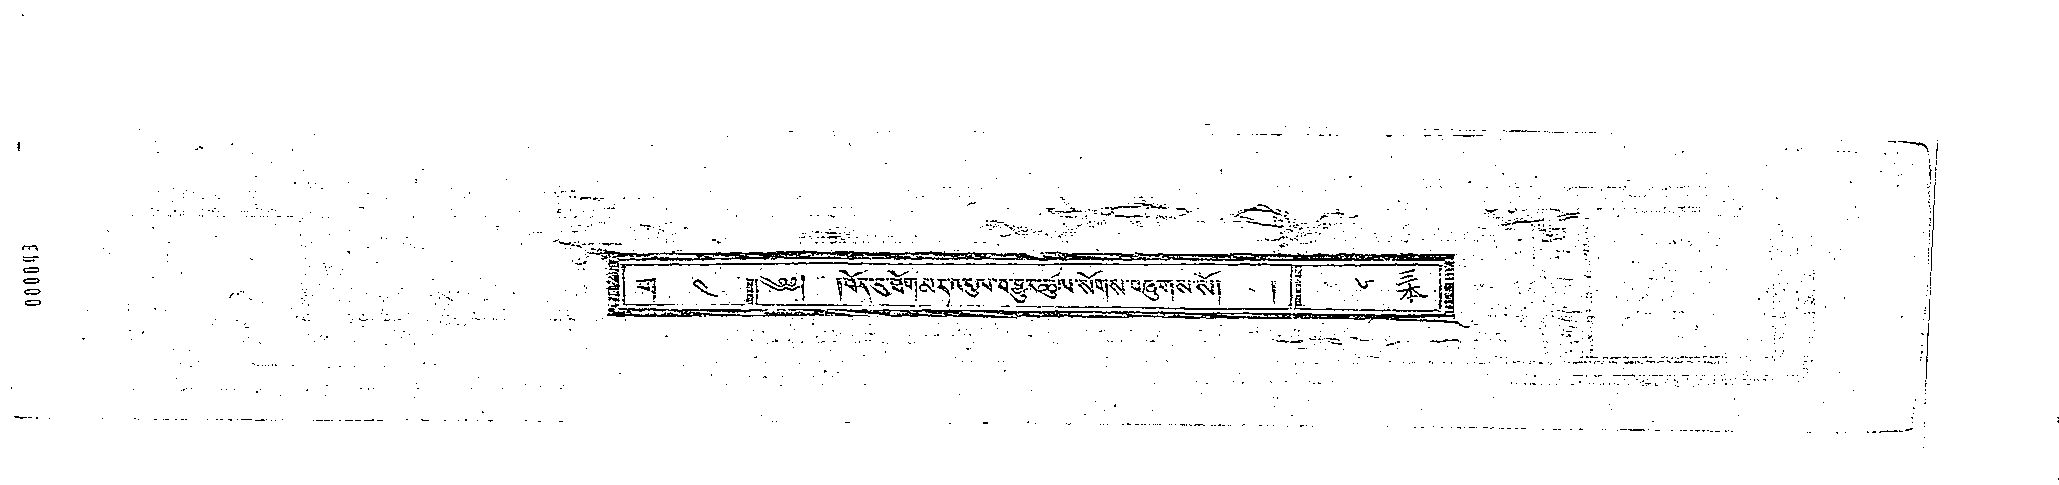ཏ ༣?
ག ༤་༄༅། །བོད་དུ་ཐོག་མར་འདུལ་བ་བྱུང་ཚུལ་སོགས་བཞུགས་སོ། །༦